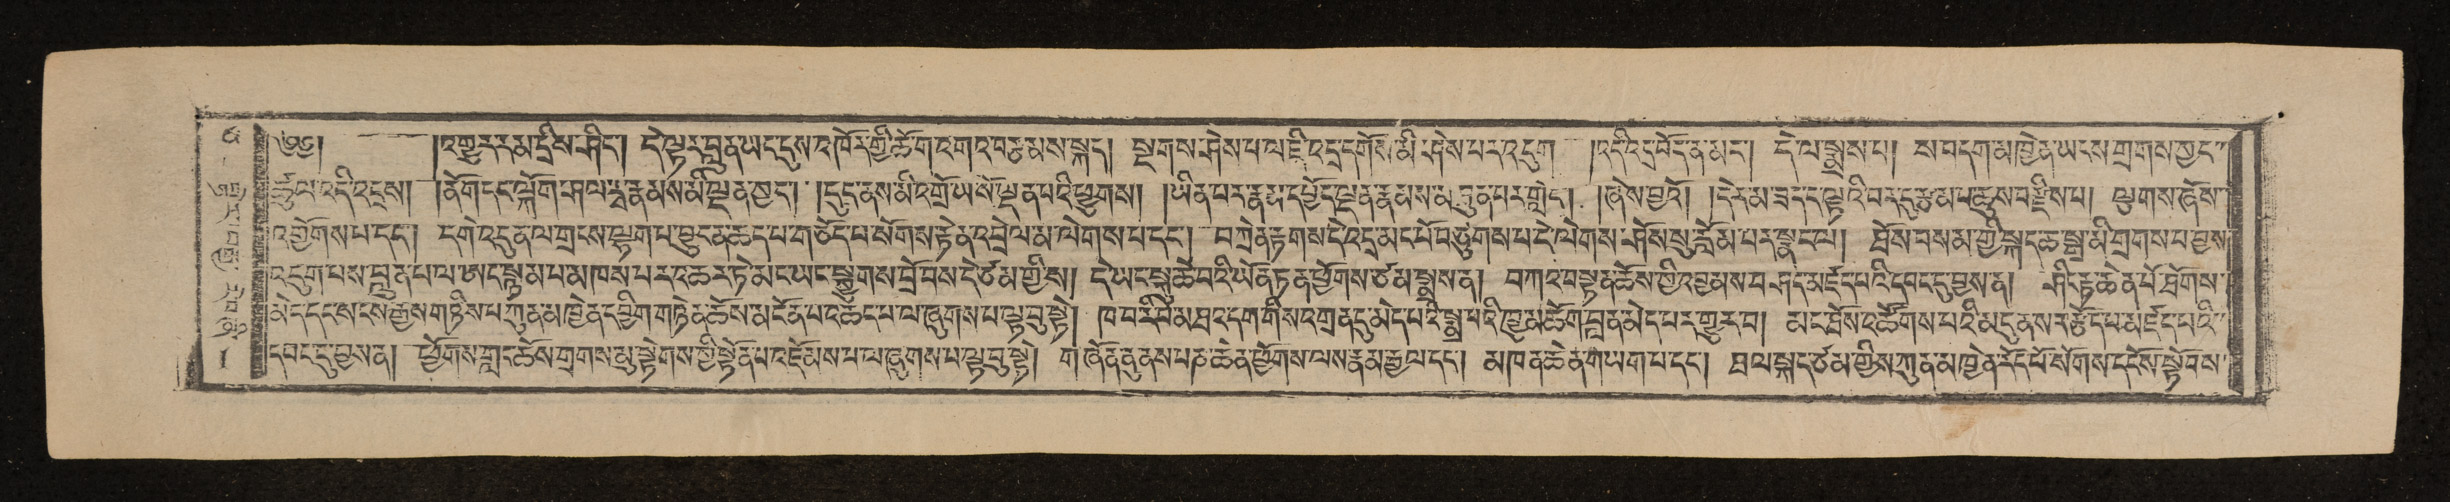༄༅། །འགྱུར་རམ་དྲིས་ཤིང་། དེ་ལྟར་བླུན་ཡང་དུས་འཁོར་གྱི་ཆོ་ག་འགའ་བརྩམས་སྐད། སྔགས་ཤེས་པ་ལ་ཇི་འདྲ་དགོས་མི་ཤེས་པར་འདུག །འདི་འདྲ་བོད་ན་མང་། དེ་ལ་སྨྲས་པ། ས་བདག་མཁྱེན་ཡངས་གྲགས་ཀྱང་
ཚུལ་འདི་འདྲས། །ནོག་དང་ལྐོག་ཤལ་ར་རྣམས་མི་ལྡན་ཀྱང་། །དུད་ནས་མི་འགྲོ་ཡ་སོ་ལྡན་པའི་ཕྱུགས། །ཡིན་པར་རྣམ་དཔྱོད་ལྡན་རྣམས་མཐུན་པར་གླེང་། །ཞེས་བྱའོ། །དེར་མ་ཟད་ད་ལྟའི་བར་དུ་རྩམ་པ་ཆུས་བརྫིས་པ། ལྕགས་ཞོས་
འགྱོགས་པ་དང་། དགེ་འདུན་ལ་གྲངས་ལྷག་པ་བྱུང་ན་ཆད་པ་གཅོད་པ་སོགས་རྟེན་འབྲེལ་མ་ལེགས་པ་དང་། བཀྲེན་རྟགས་དེ་འདྲ་མང་པོ་བཙུགས་པ་དེ་ལེགས་ཤོས་སུ་རློམ་པར་སྣང་ལ། ཐོས་བསམ་གྱི་སྐད་ཆ་སྒྲ་མི་གྲགས་པ་བྱས་
འདུག་པས་བླུན་པ་ལ་ཨང་སྙམ་པ་མཁས་པར་འཆར་ཏེ་མང་ཡང་སྐྱུགས་བྲོ་བས་དེ་ཙམ་གྱིས། དེ་ཡང་སྐུ་ཆེ་བའི་ཡོན་ཏན་ཕྱོགས་ཙམ་སྨྲས་ན། བཀའ་བསྟན་ཆོས་ཀྱི་འབྱམས་བཤད་མཛད་པའི་དབང་དུ་བྱས་ན། ཤིང་རྟ་ཆེན་པོ་ཐོགས་
མེད་དང་སངས་རྒྱས་གཉིས་པ་ཀུན་མཁྱེན་དབྱིག་གཉེན་ཆོས་མངོན་པ་འཆད་པ་ལ་ཞུགས་པ་ལྟ་བུ་སྟེ། ཁ་བ་རི་བ་མཐའ་དག་གིས་འགྲན་དུ་མེད་པའི་སྨྲ་བའི་ཁྱུ་མཆོག་བླ་ན་མེད་པར་གྱུར་པ། མང་ཐོས་འཚོགས་པའི་མདུན་སར་རྩོད་པ་མཛད་པའི་
དབང་དུ་བྱས་ན། ཕྱོགས་གླང་ཆོས་གྲགས་མུ་སྟེགས་ཀྱི་སྟོན་པ་འཇོམས་པ་ལ་ཞུགས་པ་ལྟ་བུ་སྟེ། གཞོན་ནུ་ནས་པཎ་ཆེན་ཕྱོགས་ལས་རྣམ་རྒྱལ་དང་། མཁན་ཆེན་གཡག་པ་དང་། ཐལ་སྐད་ཙམ་གྱིས་ཀུན་མཁྱེན་རོང་པོ་སོགས་དངོས་སྟོབས་